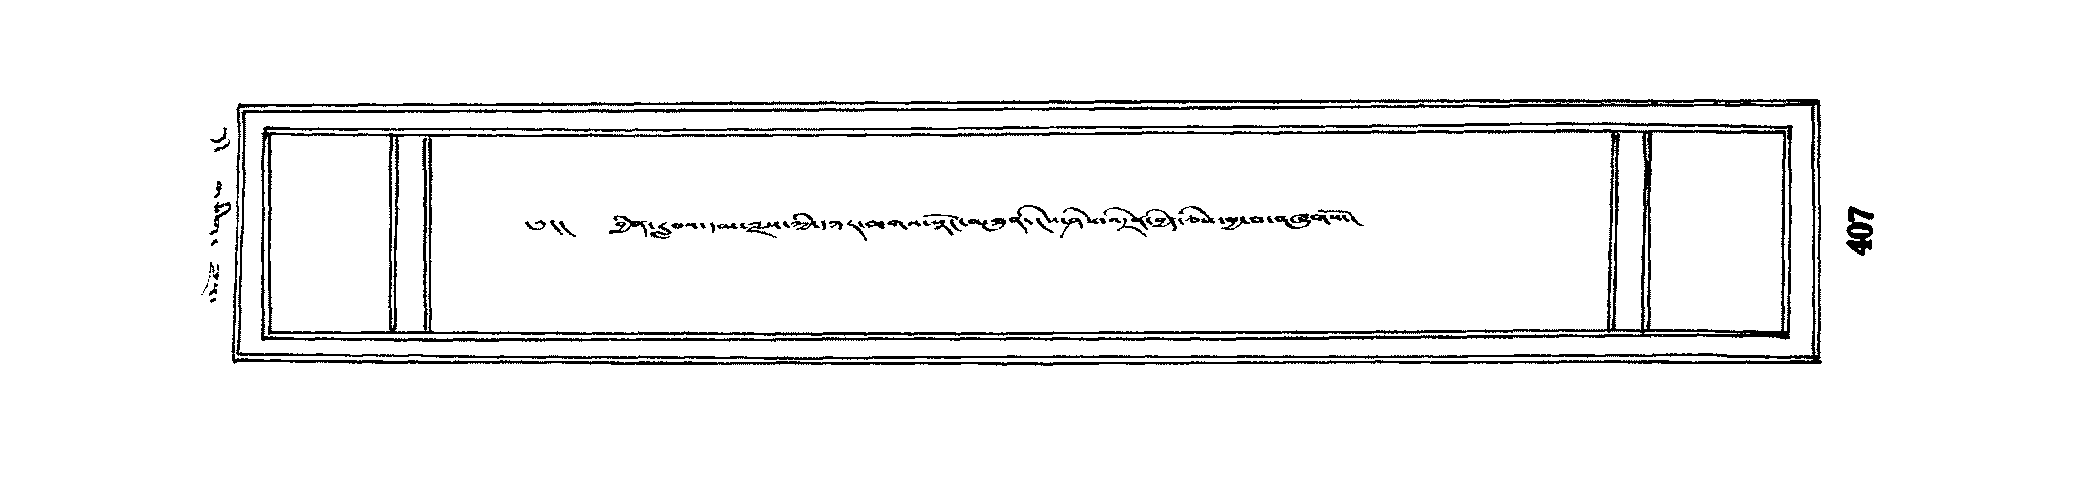༄༅། བྱིན་རླབས་དམ་རྫས་ཀྱི་དཀར་ཆག་སྟོང་ཐུན་ངེས་ཤེས་འདྲེན་བྱེད་ཅེས་བྱ་བ་བཞུགས་སོ།།